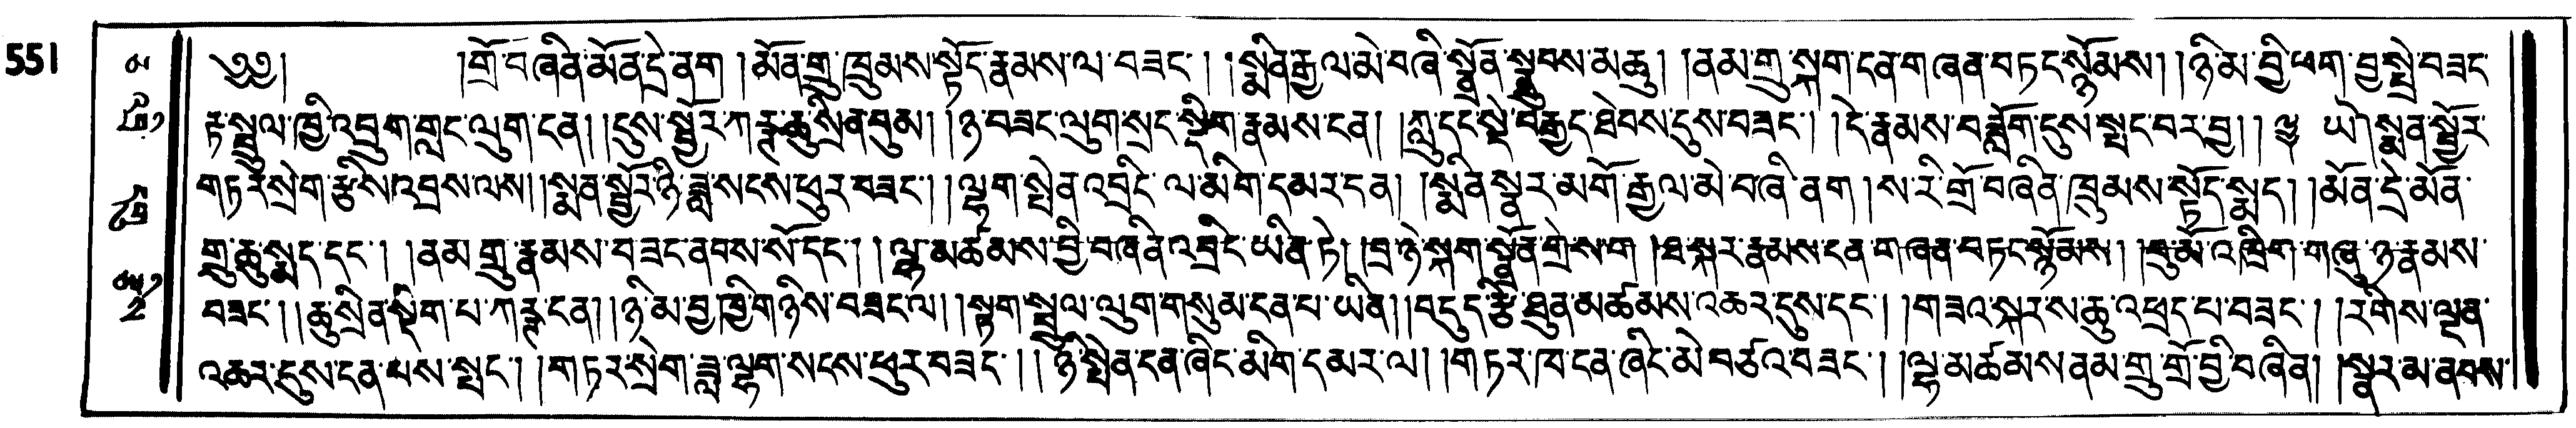༄༅། །གྲོ་བཞིན་མོན་དྲེ་ནག །མོན་གྲུ་ཁྲུམས་སྟོད་རྣམས་ལ་བཟང་། །སྨིན་རྒྱལ་མེ་བཞི་སྣྲོན་སྣྲུབས་མཆུ། །ནམ་གྲུ་སྐད་ངན་གཞན་བཏང་སྙོམས། །ཉི་མ་བྱི་ཕག་བྱ་སྤྲེ་བཟང་
རྟ་སྦྲུལ་ཁྱི་འབྲུག་གླང་ལུག་ངན། །དུས་སྦྱོར་ཀརྚ་ཆུ་སྲིན་བུམ། །ཉ་བཟང་ལུག་སྲང་སྡིག་རྣམས་ངན། །ཀླུ་དང་སྡེ་བརྒྱད་ཐེབས་དུས་བཟང་། །དེ་རྣམས་བཟློག་དུས་སྤང་བར་བྱ། ། འ་ཡ་སྨན་སྦྱོར་
གཏར་སྲེག་རྩིས་འབྲས་ལས། །སྨན་སྦྱོར་ཉི་ཟླ་སངས་ཕུར་བཟང་། །ལྷག་སེང་འབྲིང་ལ་མིག་དམར་ངན། །སྨིན་སྣར་མགོ་རྒྱལ་མེ་བཞི་ནག །ས་རི་གྲོ་བཞིན་ཁྲུམས་སྟོད་སྨད། །མོན་དྲེ་མོན་
གྲུ་ཆུ་སྨད་དང་། །ནམ་གྲུ་རྣམས་བཟང་ནབས་སོ་དང་། །ལྷ་མཚམས་བྱི་བཞིན་འབྲིང་ཡིན་ཏེ། །བྲ་ཉེ་སྐག་སྣོད་གྲེ་ས་ག །ཐ་སྐར་རྣམས་ངན་གཞན་བཏང་སྙོམས། །བུ་མོ་འཁྲིག་གཞུ་ཉ་རྣམས་
བཟང་། །ཆུ་སྲིན་སྡིག་པ་ཀརྚ་ངན། །ཉི་མ་བྱ་ཁྱི་གཉིས་བཟང་ལ། །སྟག་སྦྲུལ་ལུག་གསུམ་ངན་པ་ཡིན། །བདུད་རྩི་ཐུན་མཚམས་འཆར་དུས་དང་། །གཟའ་སྐར་ས་ཆུ་འཕྲད་པ་བཟང་། །རིགས་ལྡན་
འཆར་དུས་ངན་པས་སྤང་། །གཏར་སྲེག་ཟླ་ལྷག་སངས་ཕུར་བཟང་། །ཉི་སྤེན་ངན་ཞིང་མིག་དམར་ལ། །གཏར་ཁ་ངན་ཞིང་མེ་བཙའ་བཟང་། །ལྷ་མཚམས་ནམ་གྲུ་གྲོ་བྱི་བཞིན། །སྣར་མ་ནབས་